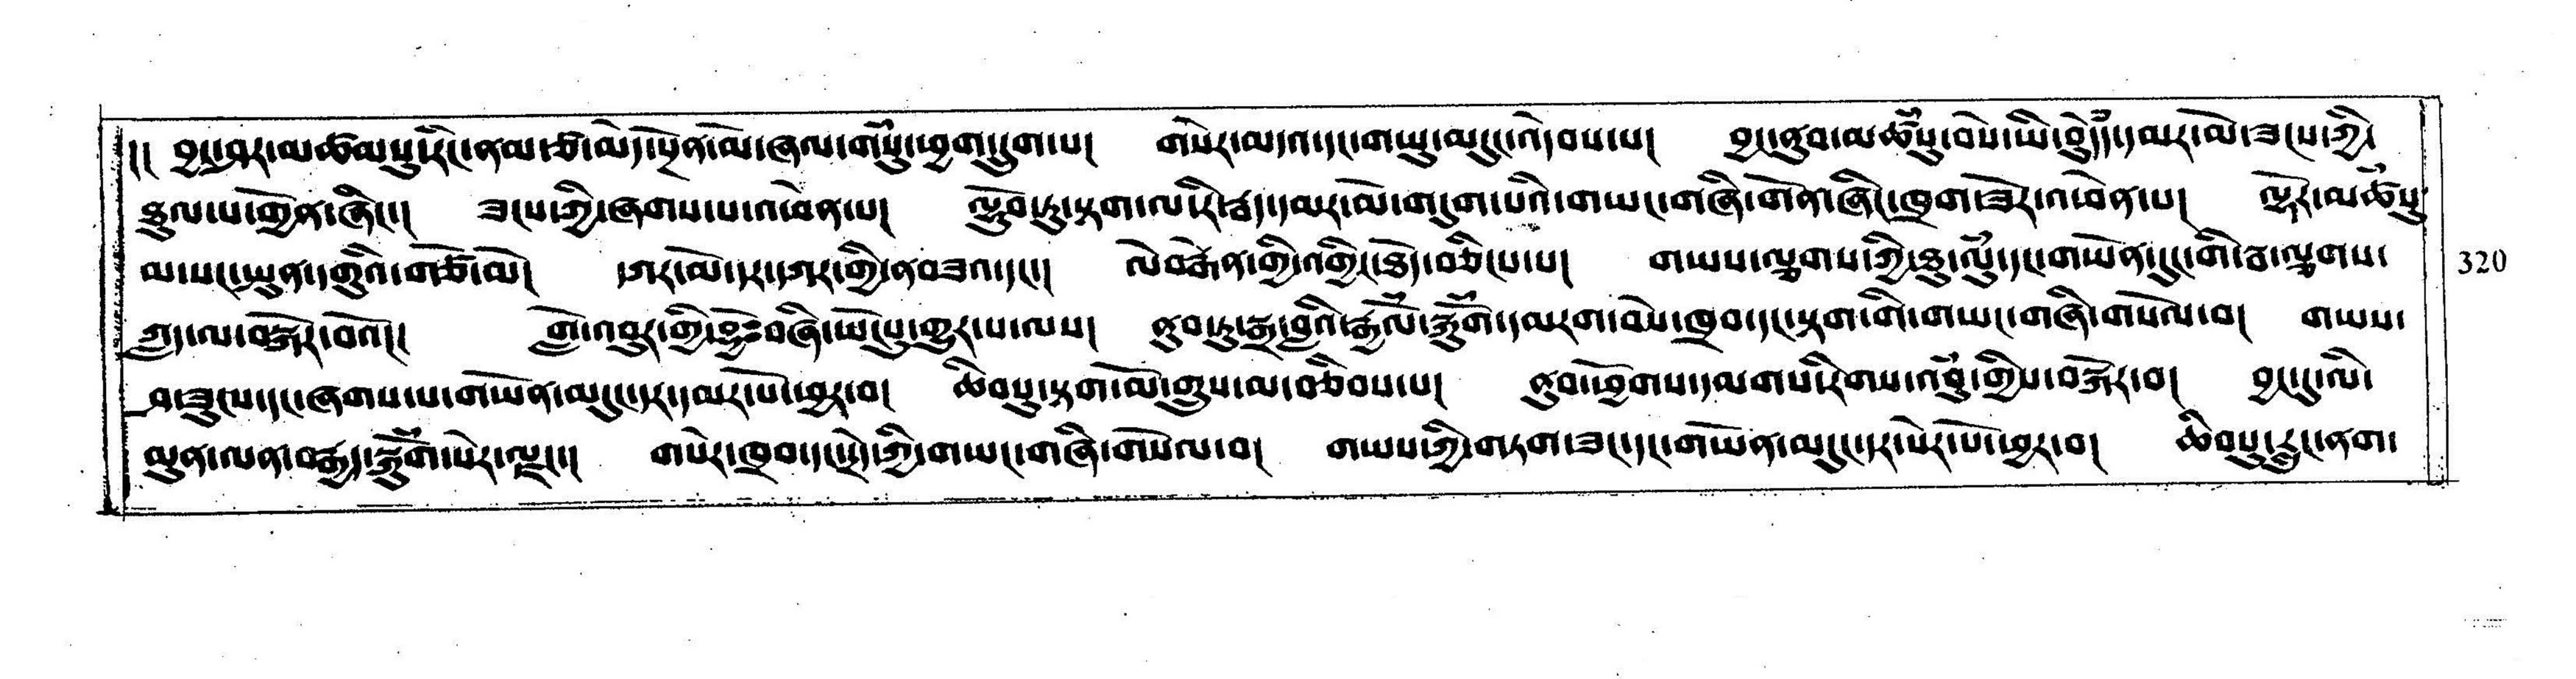བྱང་ཤར་མཚམས་སུ་རིང་ནམ་ཙ་མེད་སྔོན་མོ་ཞལ་གསུམ་ཕྱག་དྲུག་པ། གསེར་མདའ་དང་གཡུ་མདུང་འདེབས་པ། བྱང་ནུབ་མཚམས་སུ་བསེ་ཡི་བུད་མེད་དམར་མོ་ཟངས་ཀྱི་
ཐུལ་པ་གྱོན་ཞིང་། ཟངས་ཀྱི་ཞགས་པ་འཕེན་པ། ལྷོ་ནུབ་ཏུ་སྟག་ལ་རི་རྦད་དམར་མོ་གདུག་པའི་གཡང་གཞི་གོན་ཞིང་ཁྲག་ཟོར་འཕེན་པ། ལྷོ་ཤར་མཚམས་སུ་
མ་པང་སྤུན་དགུའི་གཙོ་མོ། དཀར་མོ་དར་དཀར་གྱི་ན་བཟའ་དང་། ལེབ་རྒེན་གྱི་འགྱིང་ཐོད་བཅིངས་པ། གཡས་ལྕགས་ཀྱི་ཐུ་ལུམ་དང་གཡོན་དུང་གི་སྦ་ལྕགས་
ཀླད་ལ་བསྐོར་བའོ།། གློ་འབུར་གྱི་བྷྱོཿབཞི་ཡོངས་སུ་གྱུར་པ་ལས། ནུབ་ཏུ་སྒྲ་བླའི་རྒྱལ་མོ་སྐུ་མདོག་དམར་ནག་བསེ་ཁྲབ་དང་སྟག་གི་གཡང་གཞི་གསོལ་བ། གཡས་
ཤ་ཟུངས་དང་ཞགས་པ་གཡོན་མདུང་དར་དམར་པོ་ཕྱར་བ། ཆིབས་སུ་སྟག་མོ་གྲུས་མ་བཅིབས་པ། ནུབ་ཕྱོགས་དམགས་རིགས་འབུམ་གྱིས་བསྐོར་བ། བྱང་དུ་ལི་
མུན་ལན་བརྒྱད་སྐུ་མདོག་སེར་ལྗང་། གསེར་ཁྲབ་དང་དྲེད་ཀྱི་གཡང་གཞི་གསོལ་བ། གཡས་ཀྱི་གཏག་ཟང་དང་གཡོན་མདུང་དར་སེར་པོ་ཕྱར་བ། ཆིབས་སུ་རླུང་ནག་